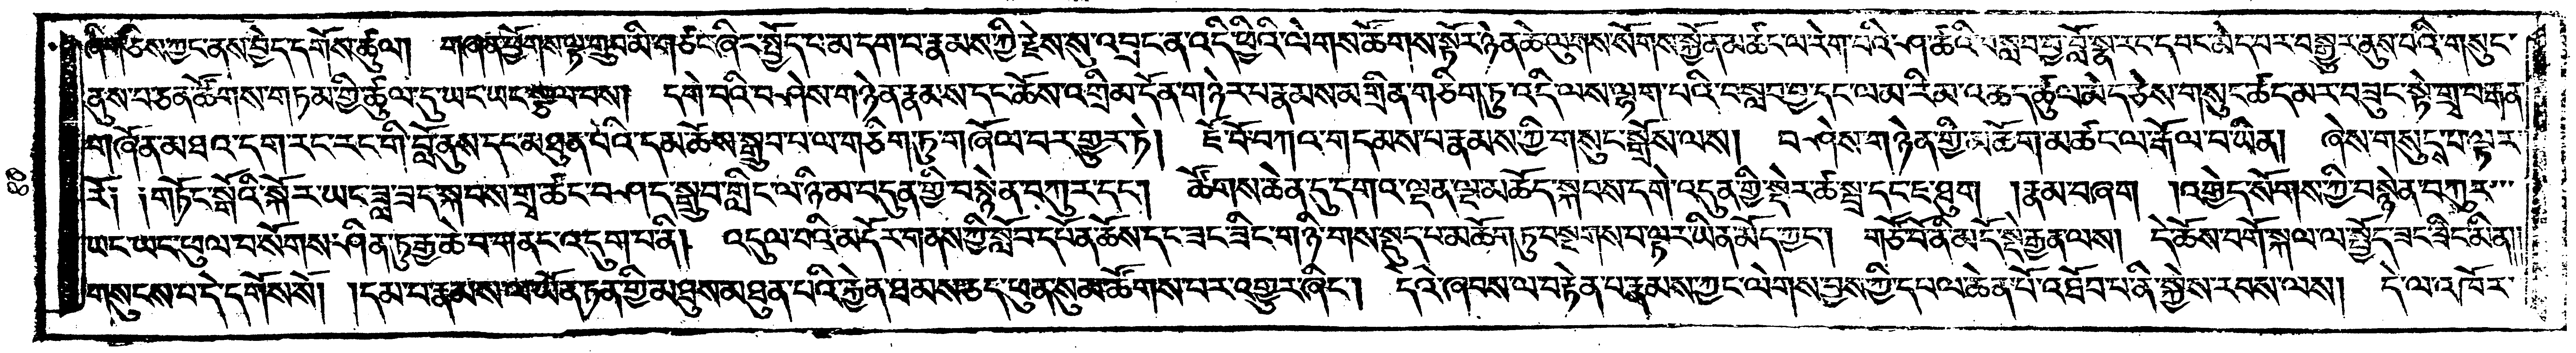ཞིག་ཅིས་ཀྱང་ནས་བྱེད་དགོས་ཚུལ། གཞན་ཕྱོགས་ལྟ་གྲུབ་མི་གཙང་ཞིང་སྤྱོད་པ་མ་དག་པ་རྣམས་ཀྱི་རྗེས་སུ་འབྲང་ན་འདི་ཕྱིའི་ལེགས་ཚོགས་སྟོར་ཉེན་ཆེ་ལུགས་སོགས་སྐྱོན་མཚང་ལ་རེག་བའི་ཤ་ཚའི་བསླབ་བྱ་བློ་སྣ་རང་དབང་མེད་པར་བསྒྱུར་ནུས་པའི་གསུང་
ནུས་པ་ཅན་ཚོགས་གཏམ་གྱི་ཚུལ་དུ་ཡང་ཡང་སྩལ་བས། དགེ་བའི་བཤེས་གཉེན་རྣམས་དང་ཆོས་འགྲིམ་དོན་གཉེར་པ་རྣམས་མགྲིན་གཅིག་ཏུ་འདི་ལས་ལྷག་པའི་བསླབ་བྱ་དང་ལམ་རིམ་འཆད་ཚུལ་མེད་ཅེས་གསུང་ཚད་མར་བཟུང་སྟེ་གྲྭ་པ་རྒན་
གཞོན་མཐའ་དག་རང་རང་གི་བློ་ནུས་དང་མཐུན་པའི་དམ་ཆོས་སྒྲུབ་པ་ལ་གཅིག་ཏུ་གཞོལ་བར་གྱུར་ཏེ། ཇོ་བོ་བཀའ་གདམས་པ་རྣམས་ཀྱི་གསུང་སྒྲོས་ལས། བཤེས་གཉེན་གྱི་མཆོག་མཚང་ལ་རྒོལ་བ་ཡིན། ཞེས་གསུངས་པ་ལྟར་
རོ༑ ༑གཏོང་སྒོའི་སྐོར་ཡང་ཟླ་ཟད་སྐབས་གྲྭ་ཚང་བཤད་སྒྲུབ་གླིང་ལ་ཉི་མ་བདུན་གྱི་བསྙེན་བཀུར་དང་། ཚོགས་ཆེན་དུ་དགའ་ལྡན་ལྔ་མཆོད་སྐབས་དགེ་འདུན་གྱི་སྡེར་ཚ་སྦྲ་དང་ཇ་ཐུག །རྣམ་བཞག །འགྱེད་སོགས་ཀྱི་བསྙེན་བཀུར་
ཡང་ཡང་ཕུལ་བ་སོགས་ཤིན་ཏུ་རྒྱ་ཆེ་བ་གནང་འདུག་པ་ནི། འདུལ་བའི་མདོར་གནས་ཀྱི་སློབ་དཔོན་ཆོས་དང་ཟང་ཟིང་གཉི་གས་སྡུད་པ་མཆོག་ཏུ་བསྔགས་པ་ལྟར་ཡིན་མོད་ཀྱང་། གཙོ་བོ་ནི་མདོ་སྡེ་རྒྱན་ལས། དེ་ཆོས་བགོ་སྐལ་ལ་སྤྱོད་ཟང་ཟིང་མིན། །
གསུངས་པ་དེ་དགོས་སོ། །དམ་པ་རྣམས་ལ་ཡོན་ཏན་གྱི་མཐུས་མཐུན་བའི་རྐྱེན་ཐམས་ཅད་ཕུན་སུམ་ཚོགས་པར་འགྱུར་ཞིང་། དེའི་ཞབས་ལ་བརྟེན་པ་རྣམས་ཀྱང་ལེགས་བྱས་ཀྱི་དཔལ་ཆེན་པོ་འཐོབ་པ་ནི་སྐྱེས་རབས་ལས། དེ་ལ་འཁོར་